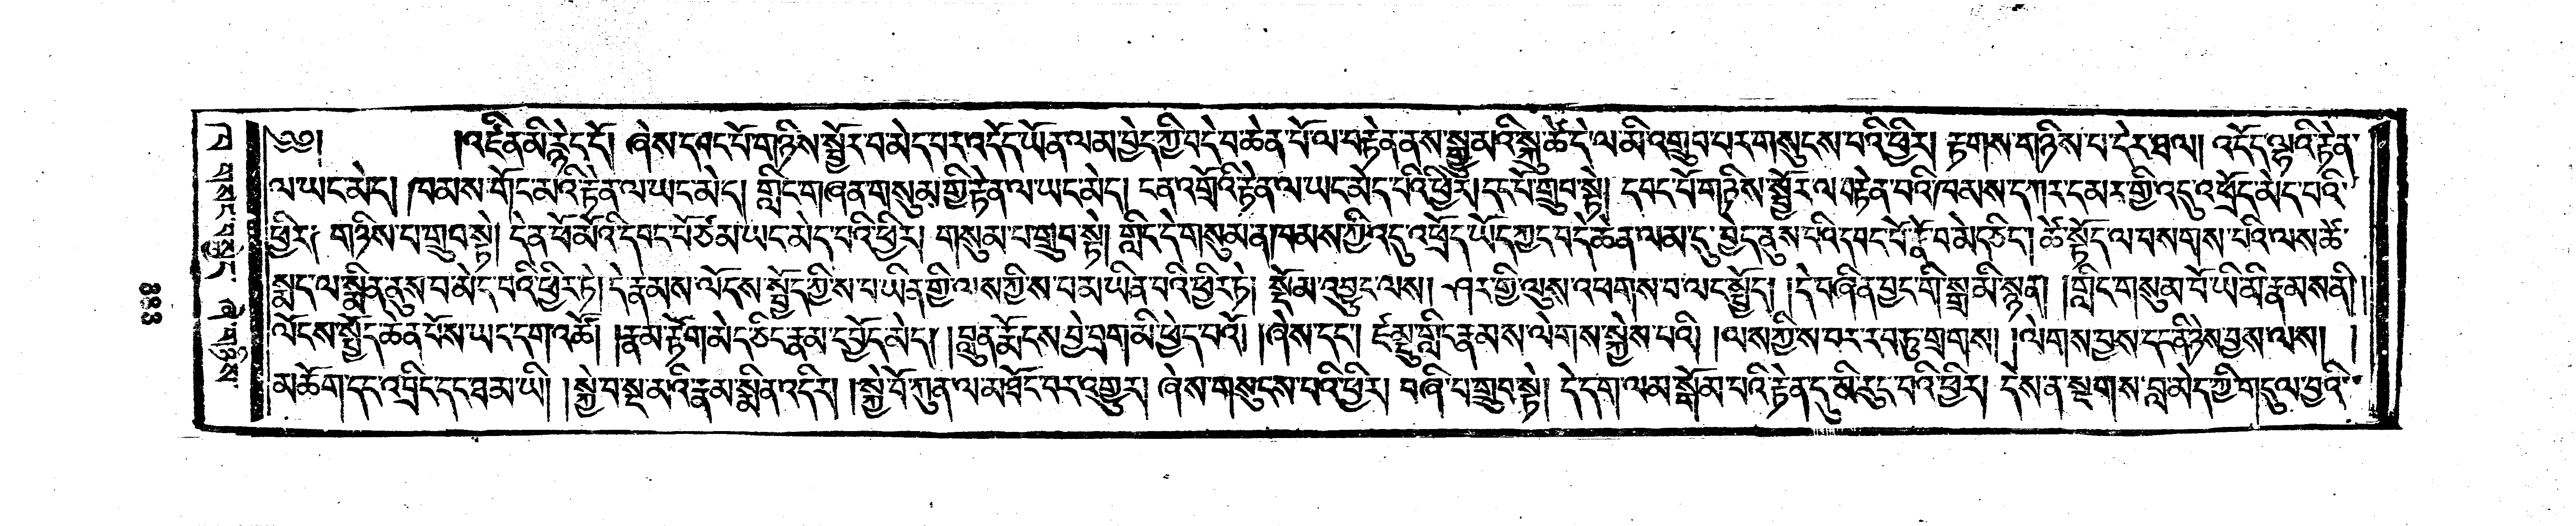༄༅། །འཛིན་མི་རྙེད་དོ། ཞེས་དབང་པོ་གཉིས་སྦྱོར་བ་མེད་པར་འདོད་ཡོན་ལམ་བྱེད་ཀྱི་བདེ་བ་ཆེན་པོ་ལ་བརྟེན་ནས་སྒྱུ་མའི་སྐུ་ཚེ་དེ་ལ་མི་འགྲུབ་པར་གསུངས་པའི་ཕྱིར། རྟགས་གཉིས་པ་དེར་ཐལ། འདོད་ལྷའི་རྟེན་
ལ་ཡང་མེད། ཁམས་གོང་མའི་རྟེན་ལ་ཡང་མེད། གླིང་གཞན་གསུམ་གྱི་རྟེན་ལ་ཡང་མེད། ངན་འགྲོའི་རྟེན་ལ་ཡང་མེད་པའི་ཕྱིར། དང་པོ་གྲུབ་སྟེ། དབང་པོ་གཉིས་སྦྱོར་ལ་བརྟེན་པའི་ཁམས་དཀར་དམར་གྱི་འདུ་འཕྲོད་མེད་པའི་
ཕྱིར༑ གཉིས་པ་གྲུབ་སྟེ། དེ་ན་ཕོ་མོའི་དབང་པོ་ཙམ་ཡང་མེད་པའི་ཕྱིར། གསུམ་པ་གྲུབ་སྟེ། གླིང་དེ་གསུམ་ན་ཁམས་ཀྱི་འདུ་འཕྲོད་ཡོད་ཀྱང་བདེ་ཆེན་ལམ་དུ་བྱེད་ནུས་པའི་དབང་པོ་རྣོ་པ་མེད་ཅིང་། ཚེ་སྟོད་ལ་བསགས་པའི་ལས་ཚེ་
སྨད་ལ་སྨིན་ནུས་པ་མེད་པའི་ཕྱིར་ཏེ། དེ་རྣམས་ལོངས་སྤྱོད་ཀྱིས་པ་ཡིན་གྱི་ལས་ཀྱིས་པ་མ་ཡིན་པའི་ཕྱིར་ཏེ། སྡོམ་འབྱུང་ལས། ཤར་གྱི་ལུས་འཕགས་པ་ལང་སྤྱོད། །དེ་བཞིན་བྱང་གི་སྒྲ་མི་སྙན། །གླིང་གསུམ་པོ་ཡི་མི་རྣམས་ནི། །
ལོངས་སྤྱོད་ཆེན་པོས་ཡང་དག་འཚོ། །རྣམ་རྟོག་མེད་ཅིང་རྣམ་དཔྱོད་མེད། །བླུན་རྨོངས་བྱེ་བྲག་མི་བྱེད་པའོ། །ཞེས་དང་ཛམྦུ་གླིང་རྣམས་ལེགས་སྐྱེས་པའི། །ལས་ཀྱི་ས་པར་རབ་ཏུ་གྲགས། །ལེགས་བྱས་དང་ནི་ཉེས་བྱས་ལས། །
མཆོག་དང་འབྲིང་དང་ཐ་མ་ཡི། །སྐྱེ་བ་སྔ་མའི་རྣམ་སྨིན་འདིར། །སྐྱེ་བོ་ཀུན་ལ་མཐོང་བར་འགྱུར། ཞེས་གསུངས་པའི་ཕྱིར། བཞི་བ་གྲུབ་སྟེ། དེ་དག་ལམ་སྒོམ་པའི་རྟེན་དུ་མི་རུང་བའི་ཕྱིར། དེས་ན་སྔགས་བླ་མེད་ཀྱི་གདུལ་བྱའི་